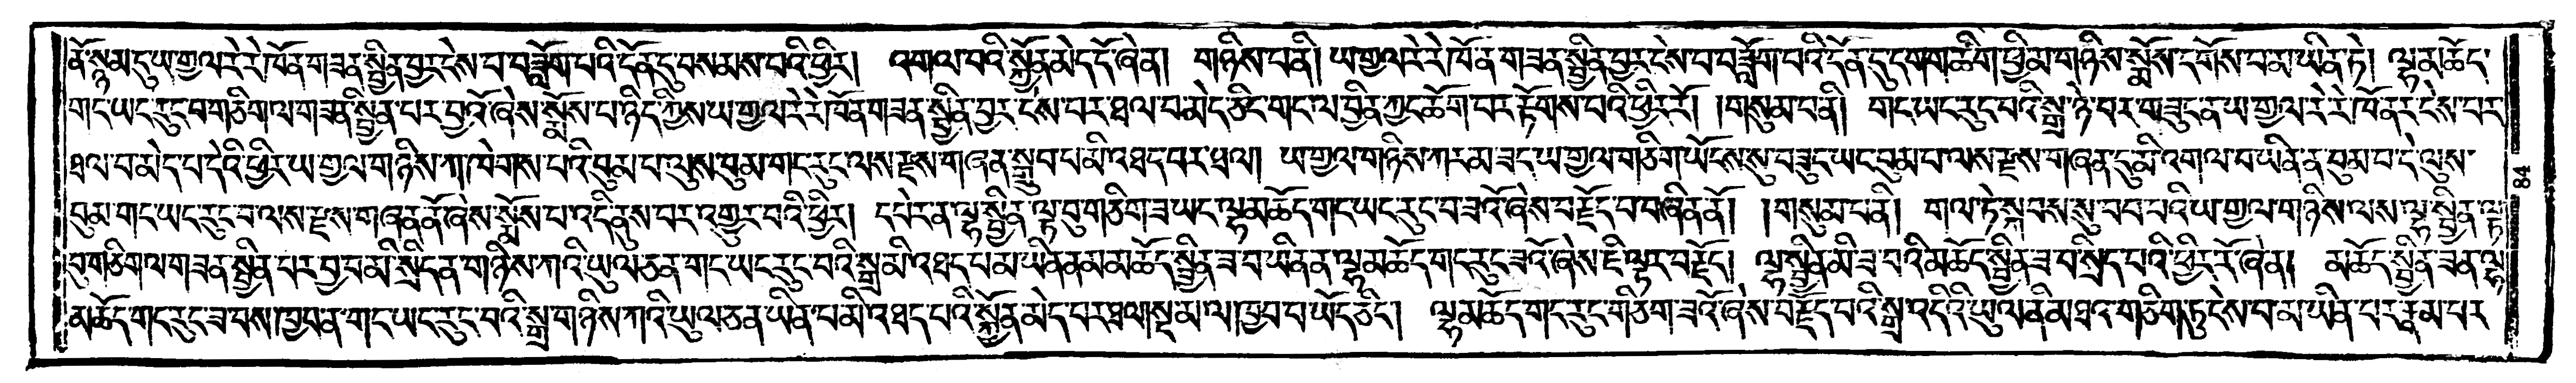ནོ་སྙམ་དུ་ཡ་གྱལ་རེ་རེ་ཁོན་གཟན་སྦྱིན་བྱར་ངེས་པ་བཟློག་པའི་དོན་དུ་བསམས་པའི་ཕྱིར། འགལ་བའི་སྐྱོན་མེད་དོ་ཞེ་ན། གཉིས་པ་ནི། ཡ་གྱལ་རེ་རེ་ཁོ་ན་གཟན་སྦྱིན་བྱར་ངེས་པ་བཟློག་པའི་དོན་དུ་དགག་ཚིག་ཕྱི་མ་གཉིས་སྨོས་དགོས་པ་མ་ཡིན་ཏེ། ལྷ་མཆོད་
གང་ཡང་རུང་བ་གཅིག་ལ་གཟན་སྦྱིན་པར་བྱའོ་ཞེས་སྨོས་པ་ཉིད་ཀྱིས་ཡ་གྱལ་རེ་རེ་ཁོ་ན་གཟན་སྦྱིན་བྱར་ངེས་བར་ཐལ་བ་མེད་ཅིང་གང་ལ་བྱིན་ཀྱང་ཆོག་བར་རྟོགས་པའི་ཕྱིར་རོ། །གསུམ་པ་ནི། གང་ཡང་རུང་བའི་སྒྲ་ཉེ་བར་གཟུང་ན་ཡ་གྱལ་རེ་རེ་ཁོ་ནར་ངེས་པར་
ཐལ་བ་མེད་པ་དེའི་ཕྱིར་ཡ་གྱལ་གཉིས་ཀ་ཁེགས་པའི་བུམ་པ་ལུས་བུམ་གང་རུང་ལས་རྫས་གཞན་སྒྲུབ་པ་མི་འཐད་པར་ཐལ། ཡ་གྱལ་གཉིས་ཀར་མ་ཟད་ཡ་གྱལ་གཅིག་ཡོངས་སུ་བཟུང་ཡང་བུམ་པ་ལས་རྫས་གཞན་དུ་མི་འགལ་བ་ཡིན་ན་བུམ་པ་དེ་ལུས་
བུམ་གང་ཡང་རུང་བ་ལས་རྫས་གཞན་ནོ་ཞེས་སྨོས་པ་འདི་ནུས་པར་འགྱུར་བའི་ཕྱིར། དཔེར་ན་ལྷ་སྦྱིན་ལྟ་བུ་གཅིག་ཟ་ཡང་ལྷ་མཆོད་གང་ཡང་རུང་བ་ཟའོ་ཞེས་བརྗོད་བ་བཞིན་ནོ། །གསུམ་པ་ནི། གལ་ཏེ་སྐབས་སུ་བབ་པའི་ཡ་གྱལ་གཉིས་ལས་ལྷ་སྦྱིན་ལྟ་
བུ་གཅིག་ལ་གཟན་སྦྱིན་པར་བྱ་བ་མི་སྲིད་ན་གཉིས་ཀའི་ཡུལ་ཅན་གང་ཡང་རུང་བའི་སྒྲ་མི་འཐད་པ་མ་ཡིན་ནམ་མཆོད་སྦྱིན་ཟ་བ་ཡིན་ན་ལྷ་མཆོད་གང་རུང་ཟའོ་ཞེས་ཇི་ལྟར་བརྗོད། ལྷ་སྦྱིན་མི་ཟ་བའི་མཆོད་སྦྱིན་ཟ་བ་སྲིད་བའི་ཕྱིར་རོ་ཞེ་ན། མཆོད་སྦྱིན་ཟན་ལྷ་
མཆོད་གང་རུང་ཟ་བས་ཁྱབ་ན་གང་ཡང་རུང་བའི་སྒྲ་གཉིས་ཀའི་ཡུལ་ཅན་ཡིན་པ་མི་འཐད་པའི་སྐྱོན་མེད་པར་ཐལ། སྔ་མ་ལ་ཁྱབ་པ་ཡོད་ཅིང་། ལྷ་མཆོད་གང་རུང་གཅིག་ཟའོ་ཞེས་བརྗོད་པའི་སྒྲ་འདིའི་ཡུལ་ནི་མཐའ་གཅིག་ཏུ་ངེས་པ་མ་ཡིན་པར་རྣམ་པར་